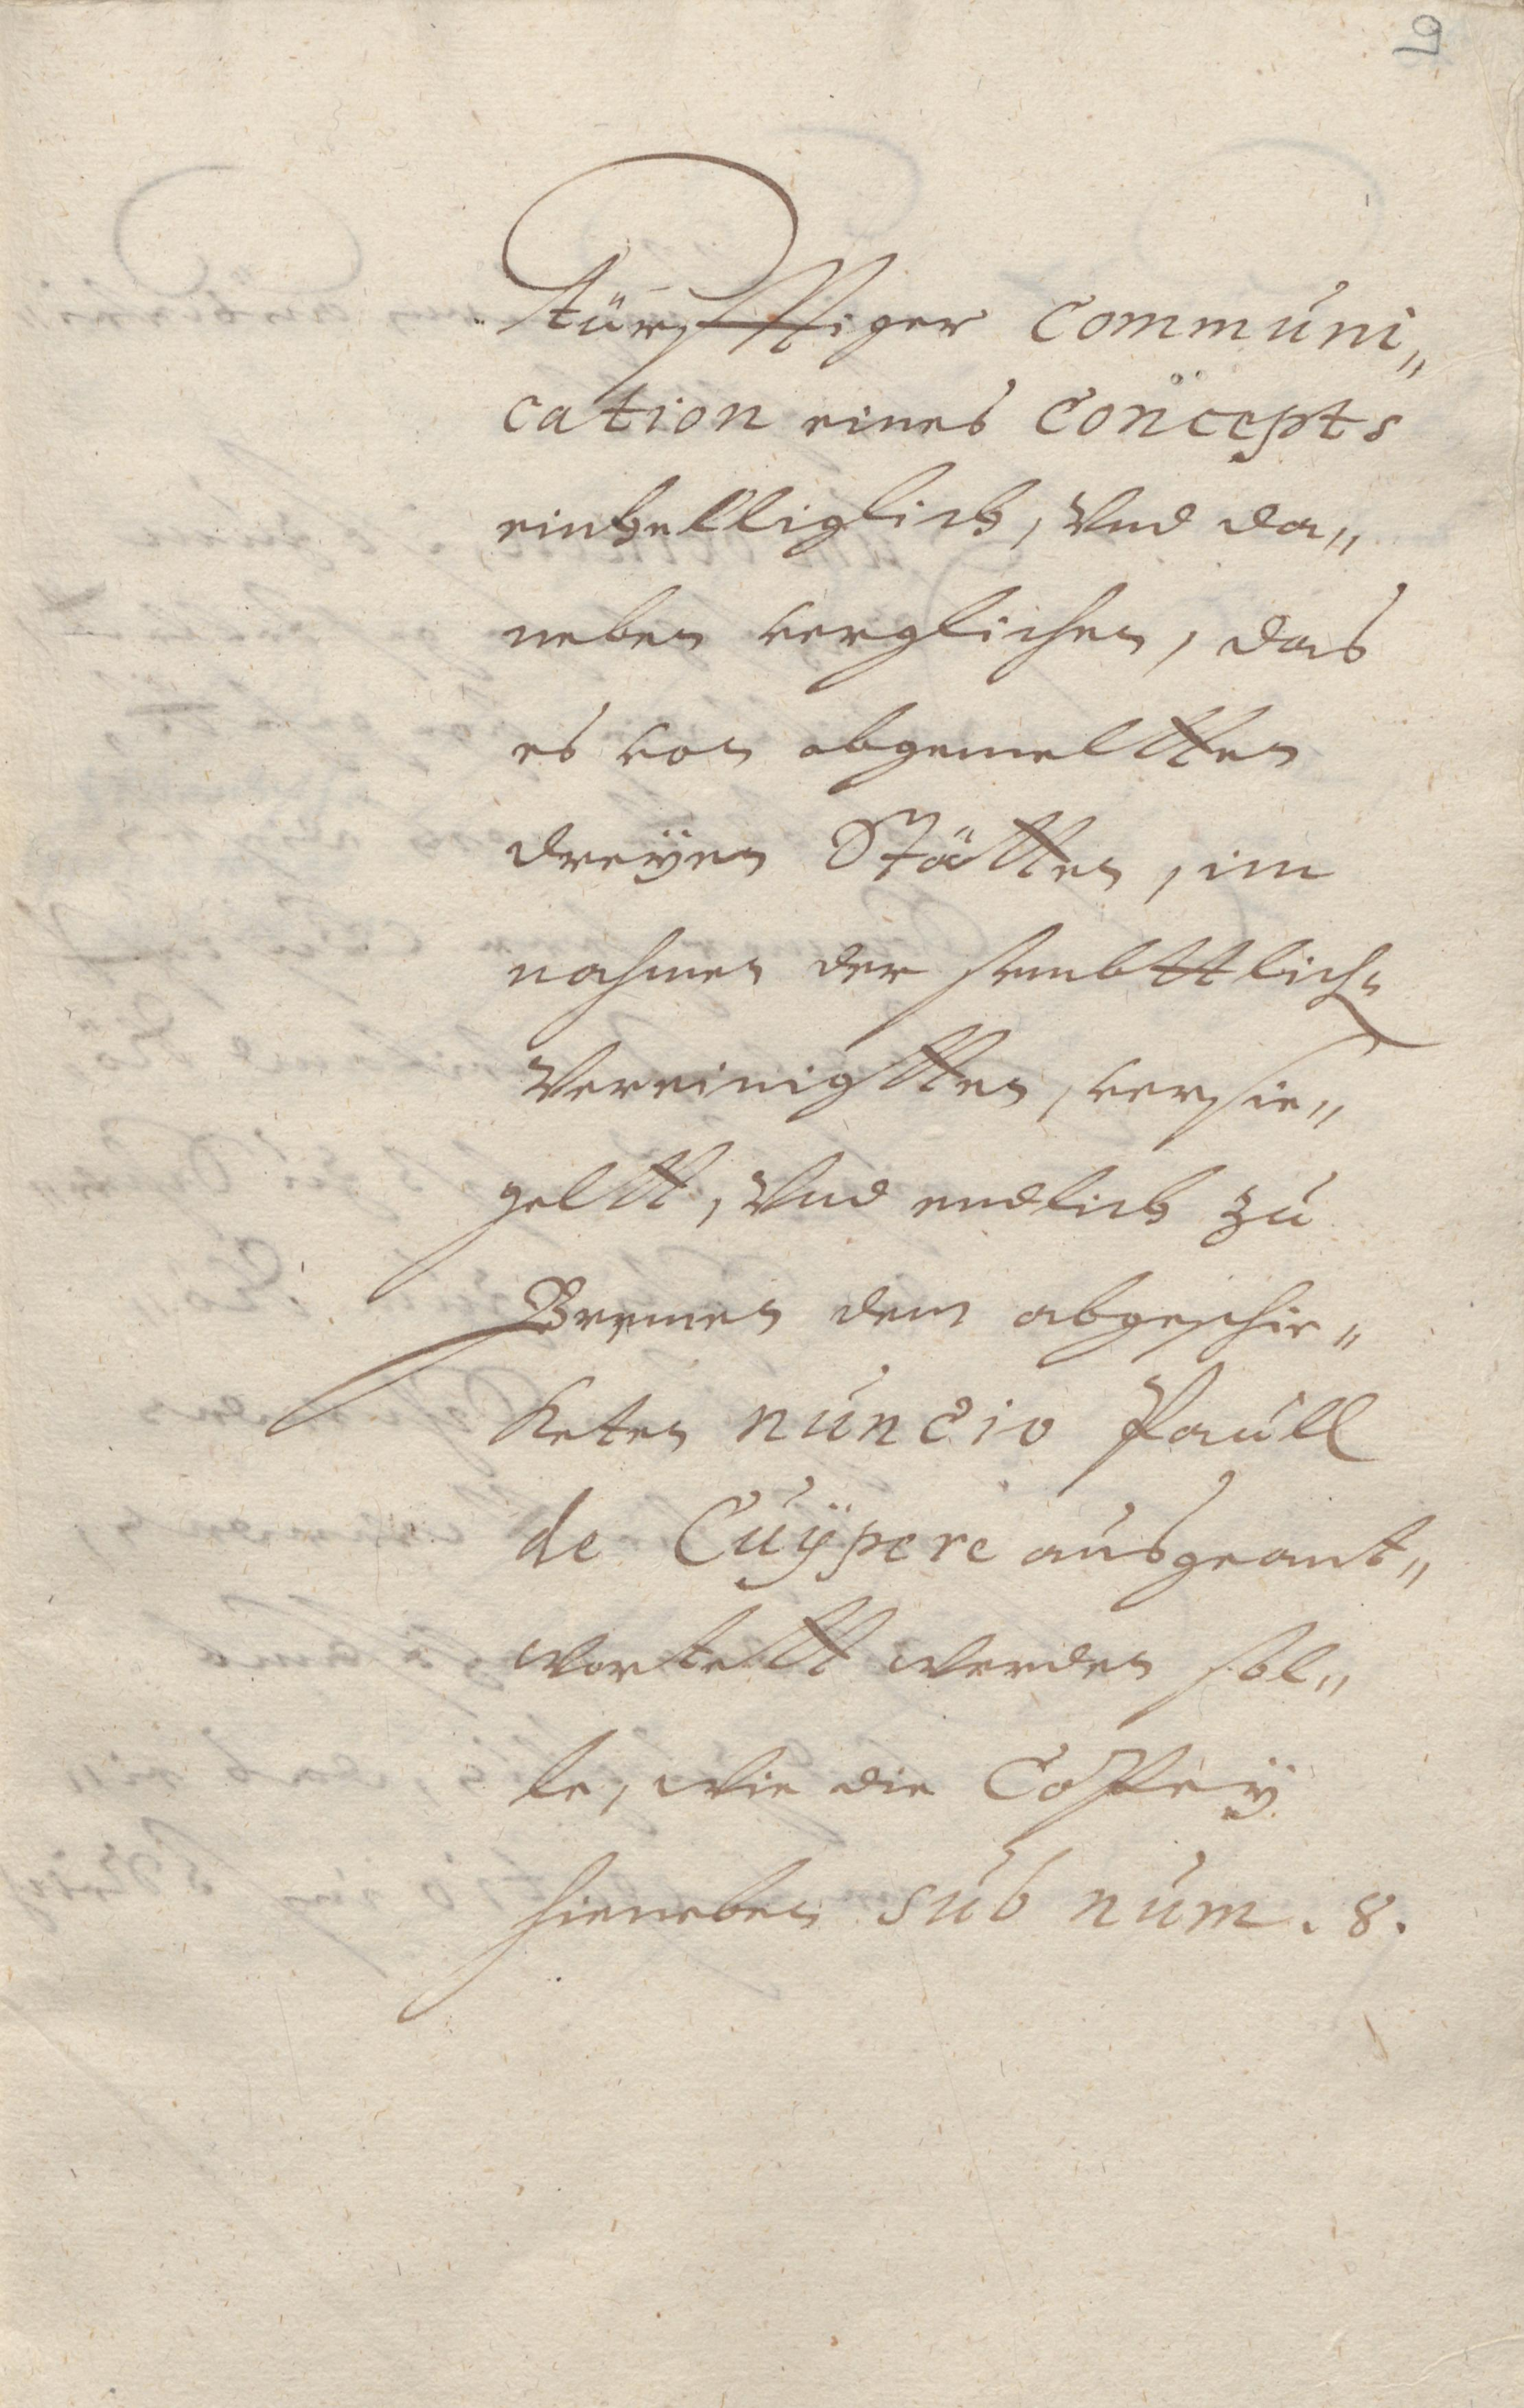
türfftiger communi¬
cation eines concepts
einhelliglich, vnd da¬
neben verglichen, das
es von abgemeltten
dreijen Stätten, im
nahmen der sembttlichen
Vereinigten, versie¬
geltt, vnd endlich zu
Bremen dem abgeschie¬
keten nuncio Paull
de Cuijpere ausgeant¬
wortett werden sol¬
te, wie die Copeij
hieneben sub num. 8.
